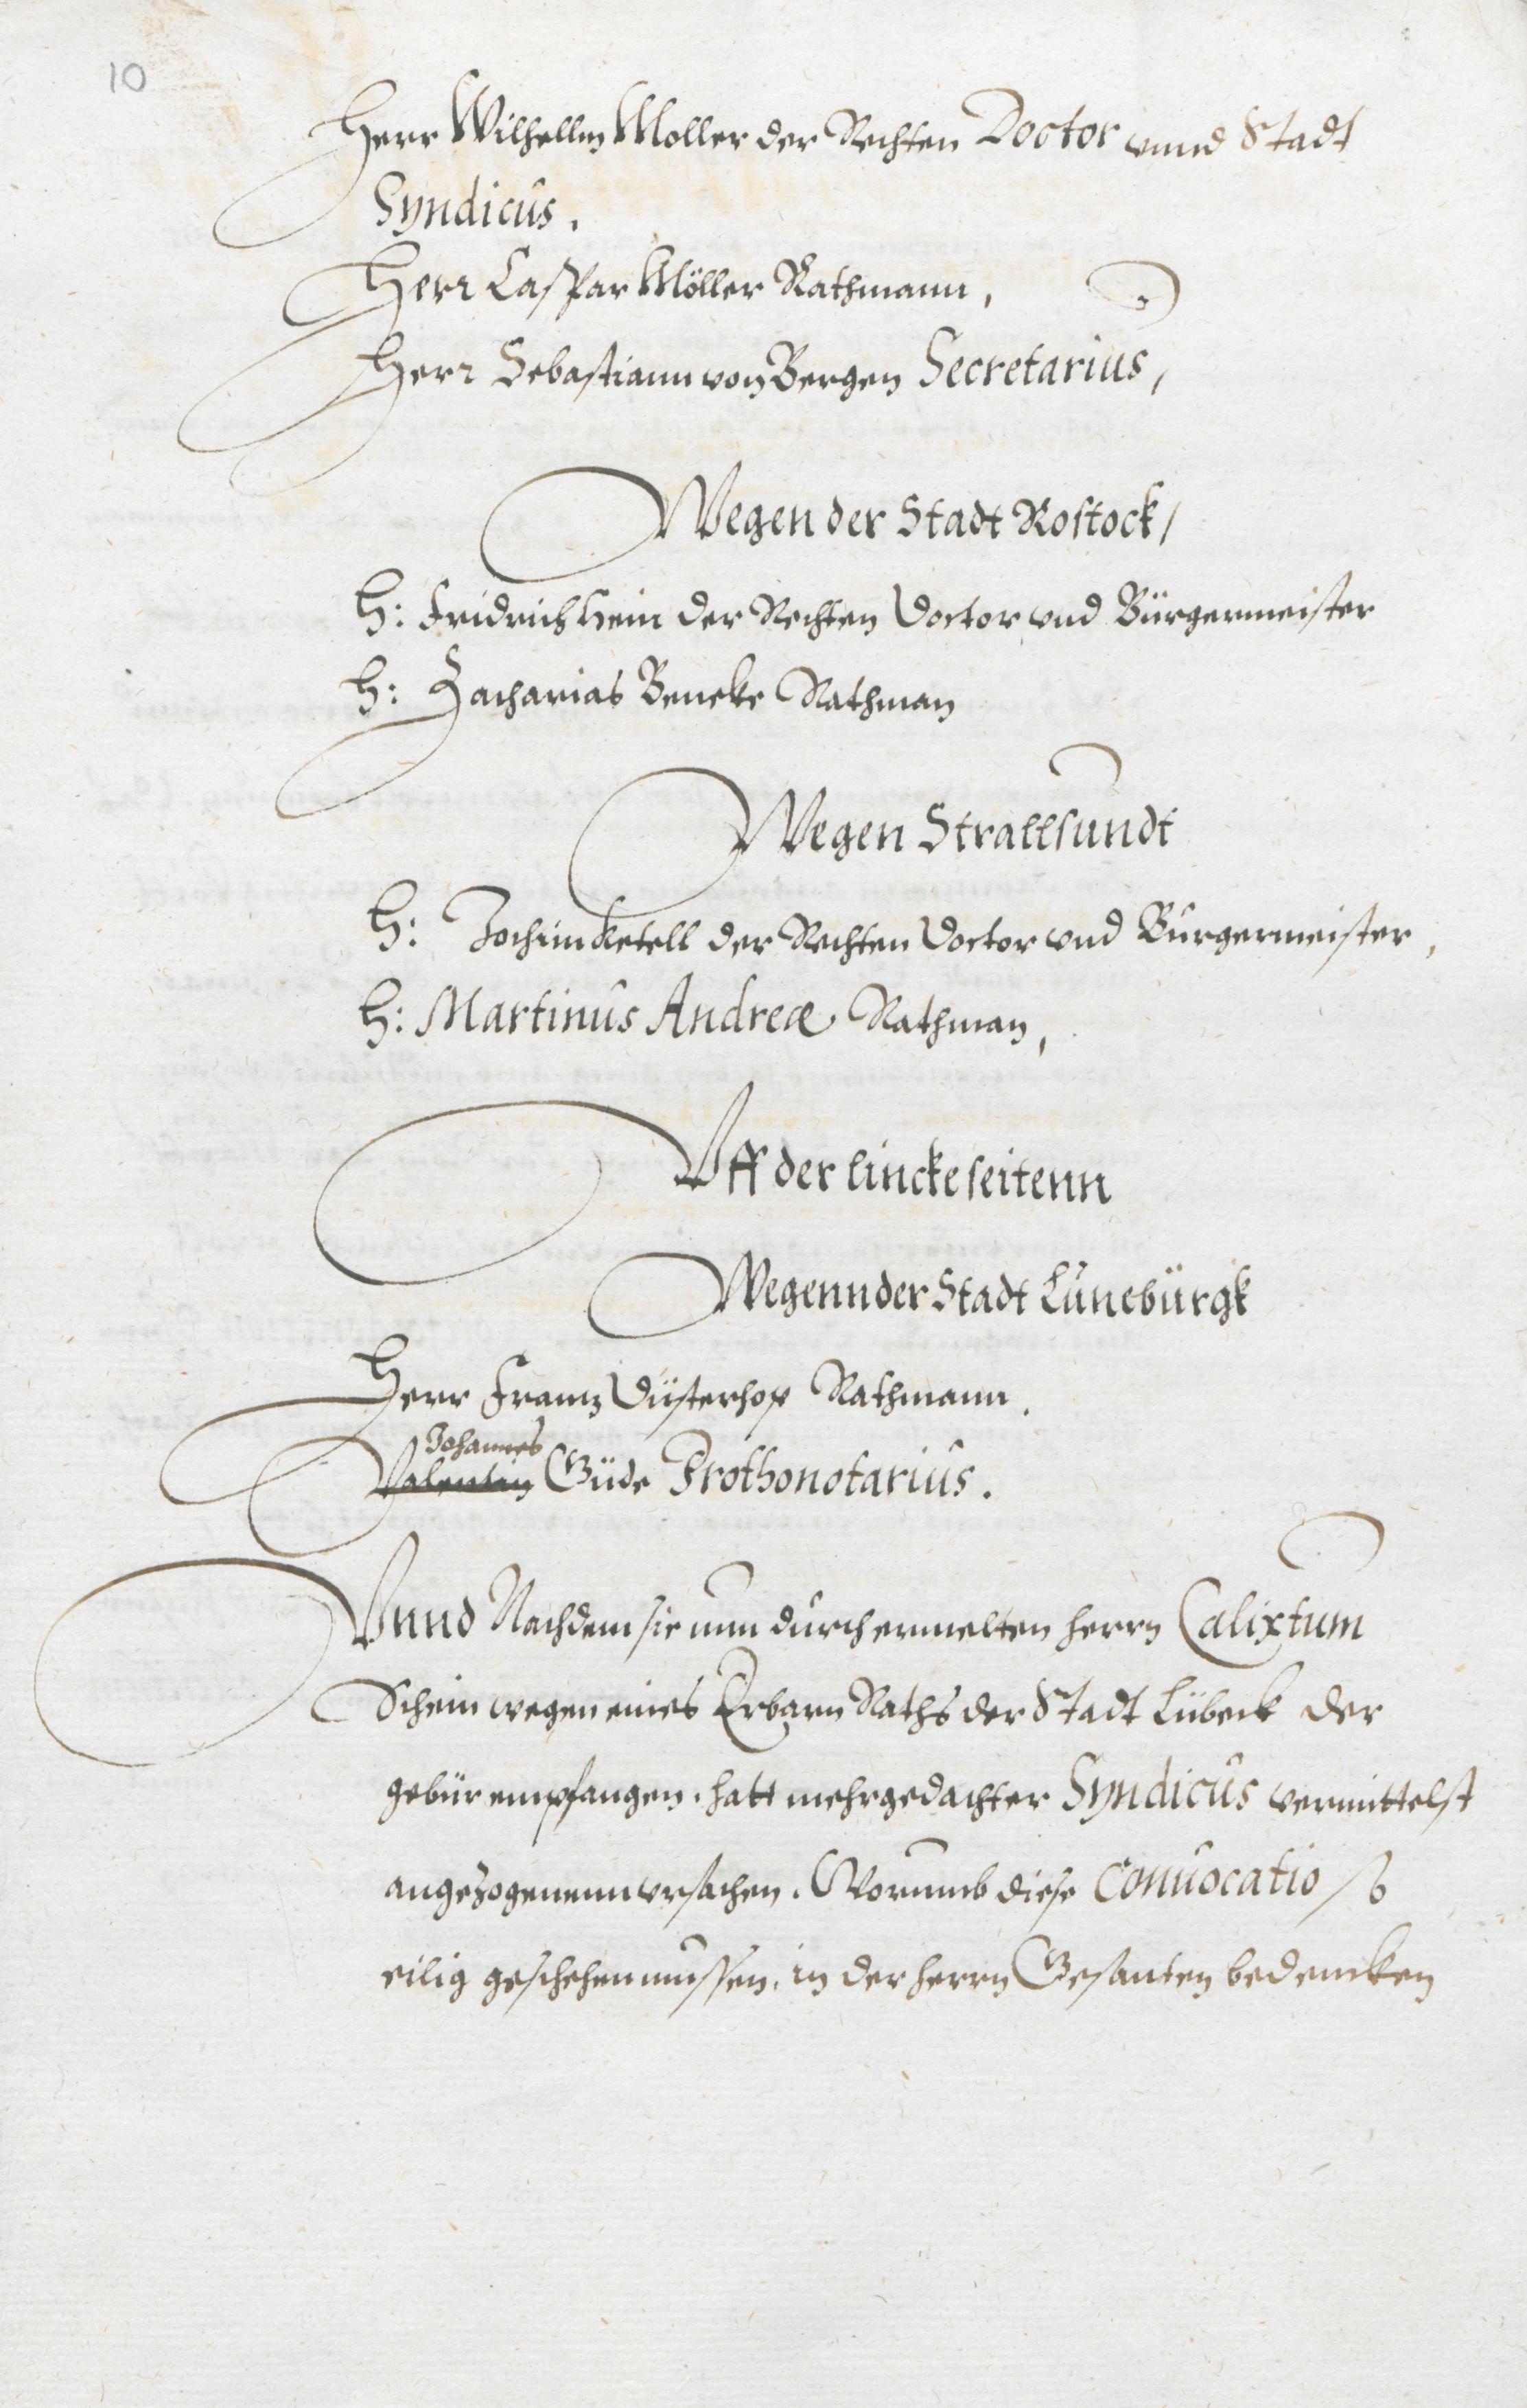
Herr Wilhellm Moller der Rechten Doctor vnnd Stadt
Syndicus.
Herr Caspar Möller Rathmann,
Herr Sebastiann von Bergen Secretarius,
Wegen der Stadt Rostock,
H: Friedrich Hein der Rechten Doctor vnd Bürgermeister
H: Zacharias Beneke Rathmann
Wegen Strallsundt
H: Jochim Ketell der Rechten Doctor vnd Burgermeister,
H: Martinus Andreae Rathman,
Vff der lincke seitenn
Wegen der Stadt Lunebürgk
Herr Frantz Düsterhop Rathmann,
Johannes
Valentin Güde Protonotarius.
Vnnd Nachdem sie nun durch ermelten herrn Calixtum
Schein wegen eines Erbarn Raths der Stadt Lübeck der
gebür empfangen, hatt mehr gedachter Syndicus vermittelst
angezogenenn vrsachen. Worumb diese conuocatio so
eilig geschehen mussen, in der herrn Gesanten bedencken
